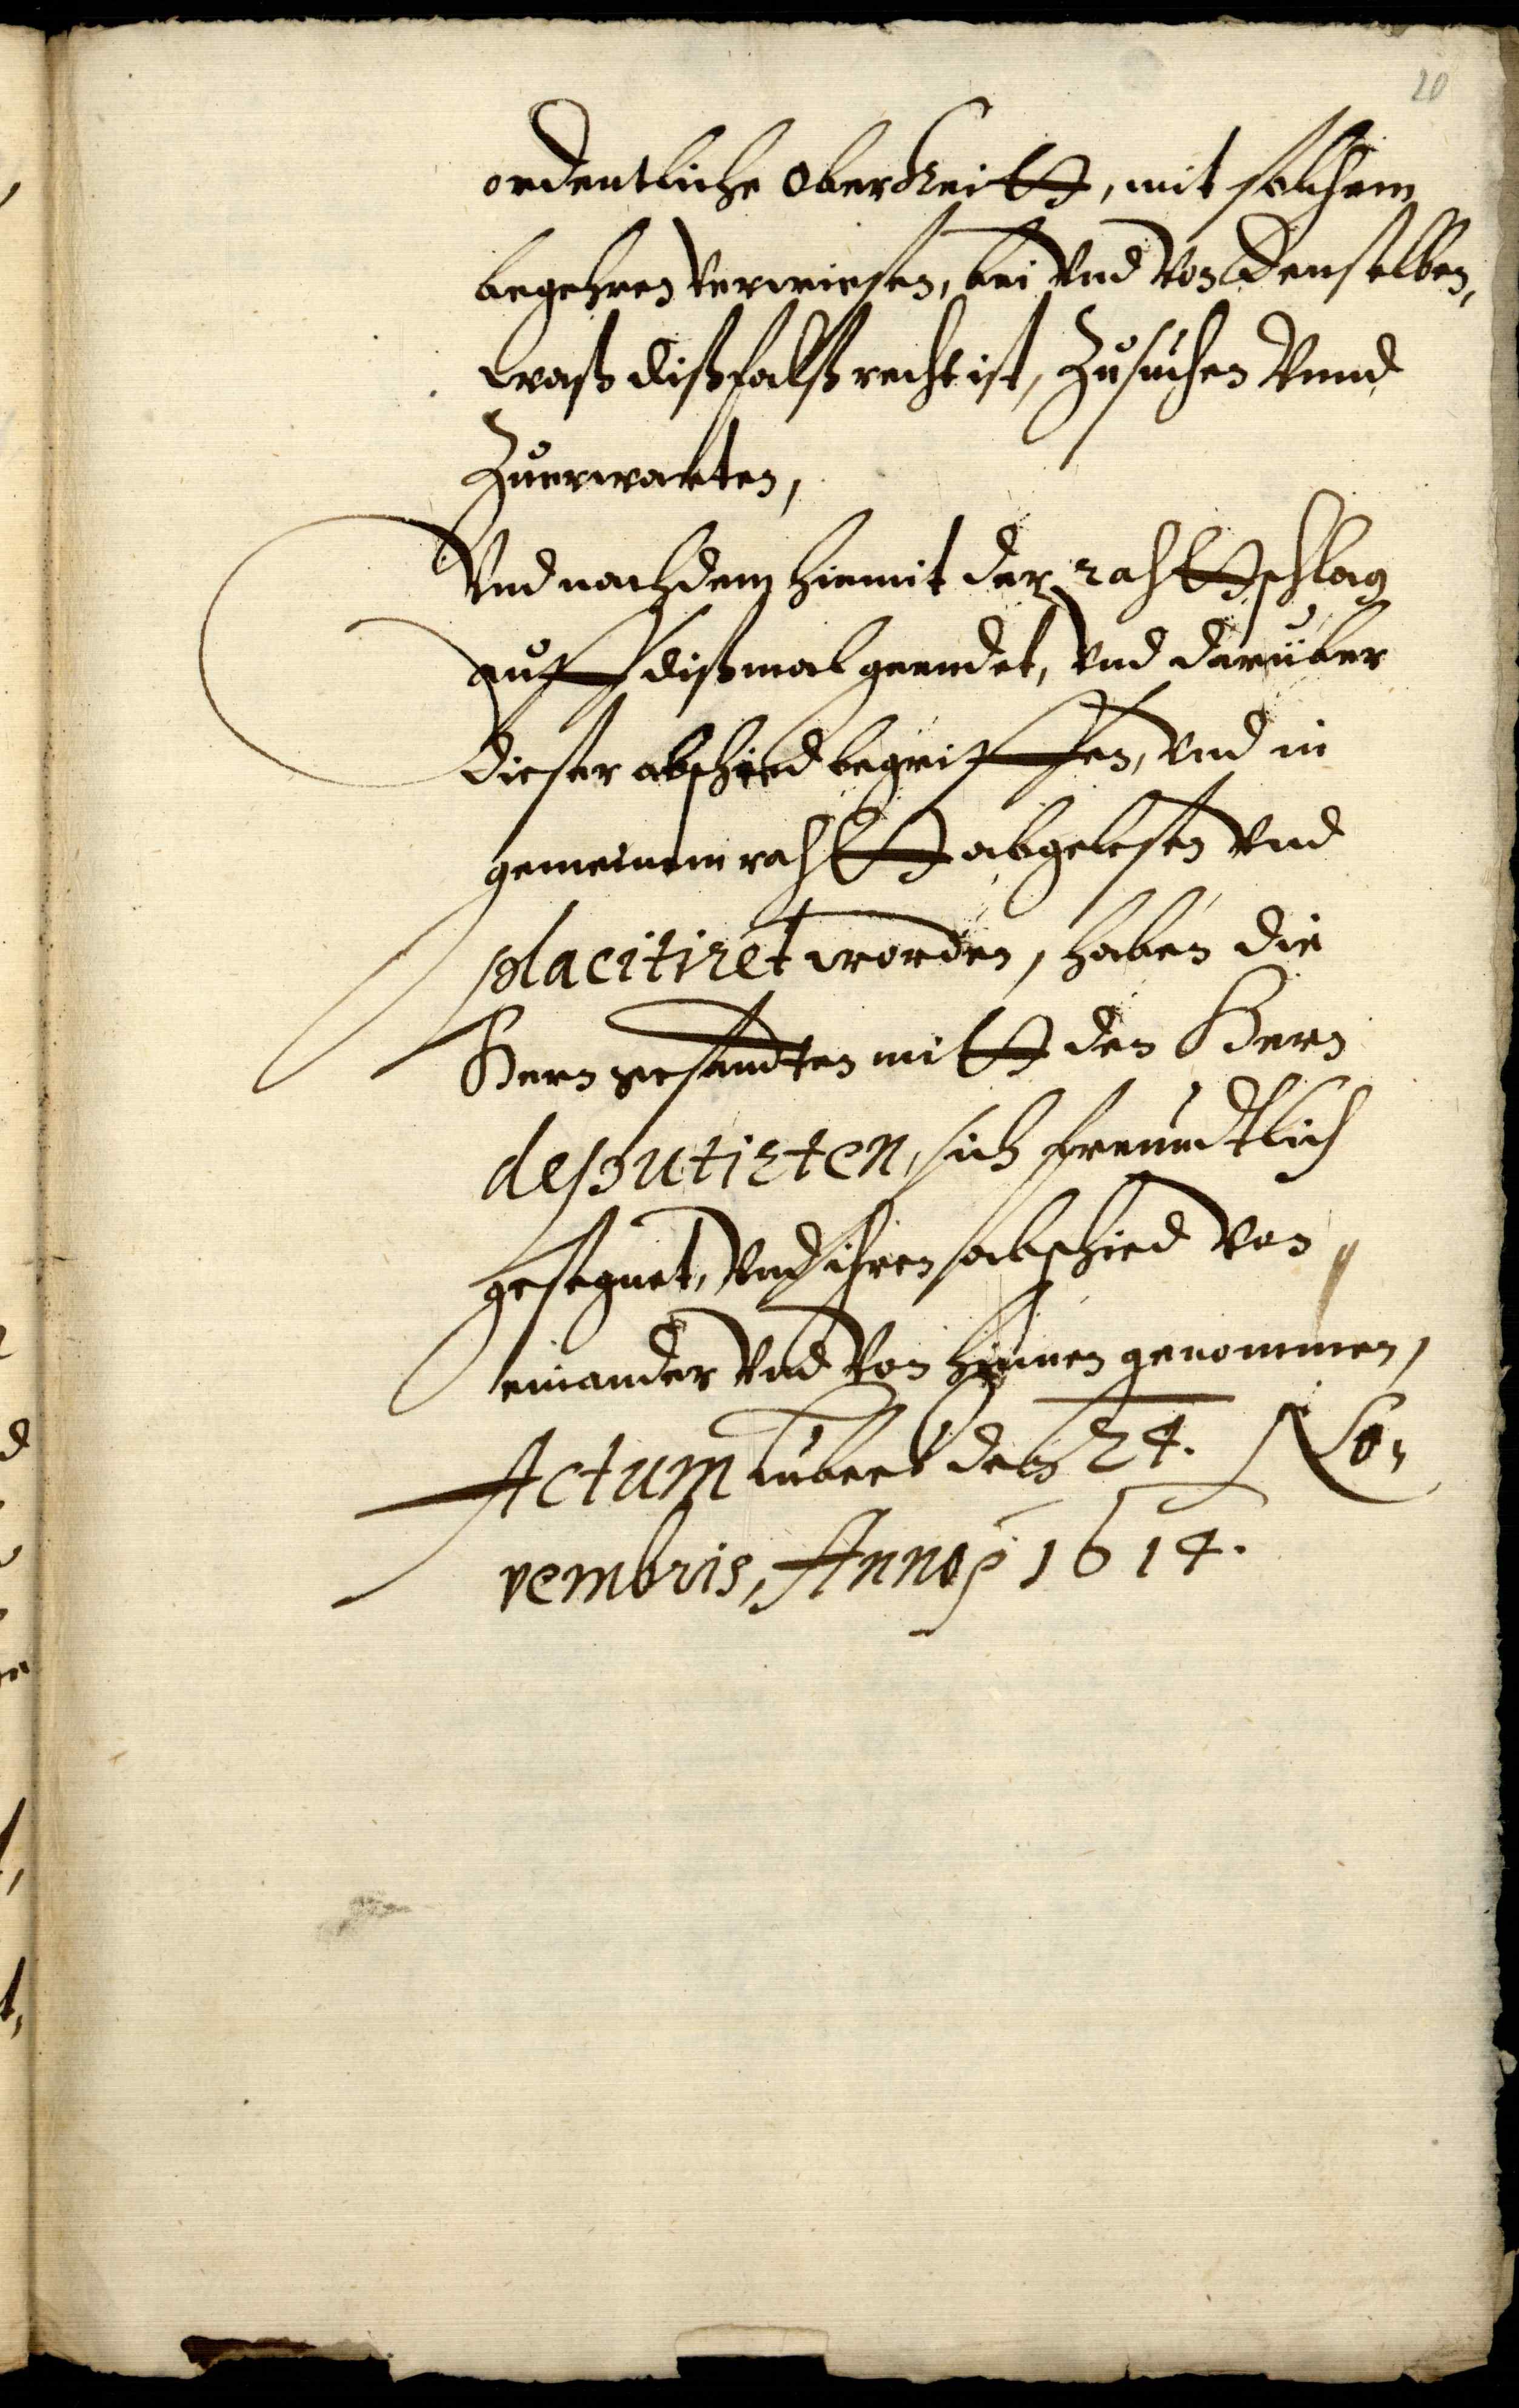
ordentliche oberkeitt, mit solchem
begehren verwiesen, bei Vnd von denselben,
waß dißfalß recht ist, Zu suchen Vnnd
Zuerwarten,
Vnd nachdem hiemit der rahttschlag
auff dißmal geendet, Vnd darüber
dieser abschied begriffen, Vnd in
gemeinem rahtt abgelesen Vnd
placitiret worden, haben die
Hern gesandten mitt den Hern
deputierten, sich freundtlich
gesegnet, Vnd ihren abschied Von
einander Vnd von hinnen genommen,
Actum Lubeck den 24. No¬
vembris, Anno 1614.
